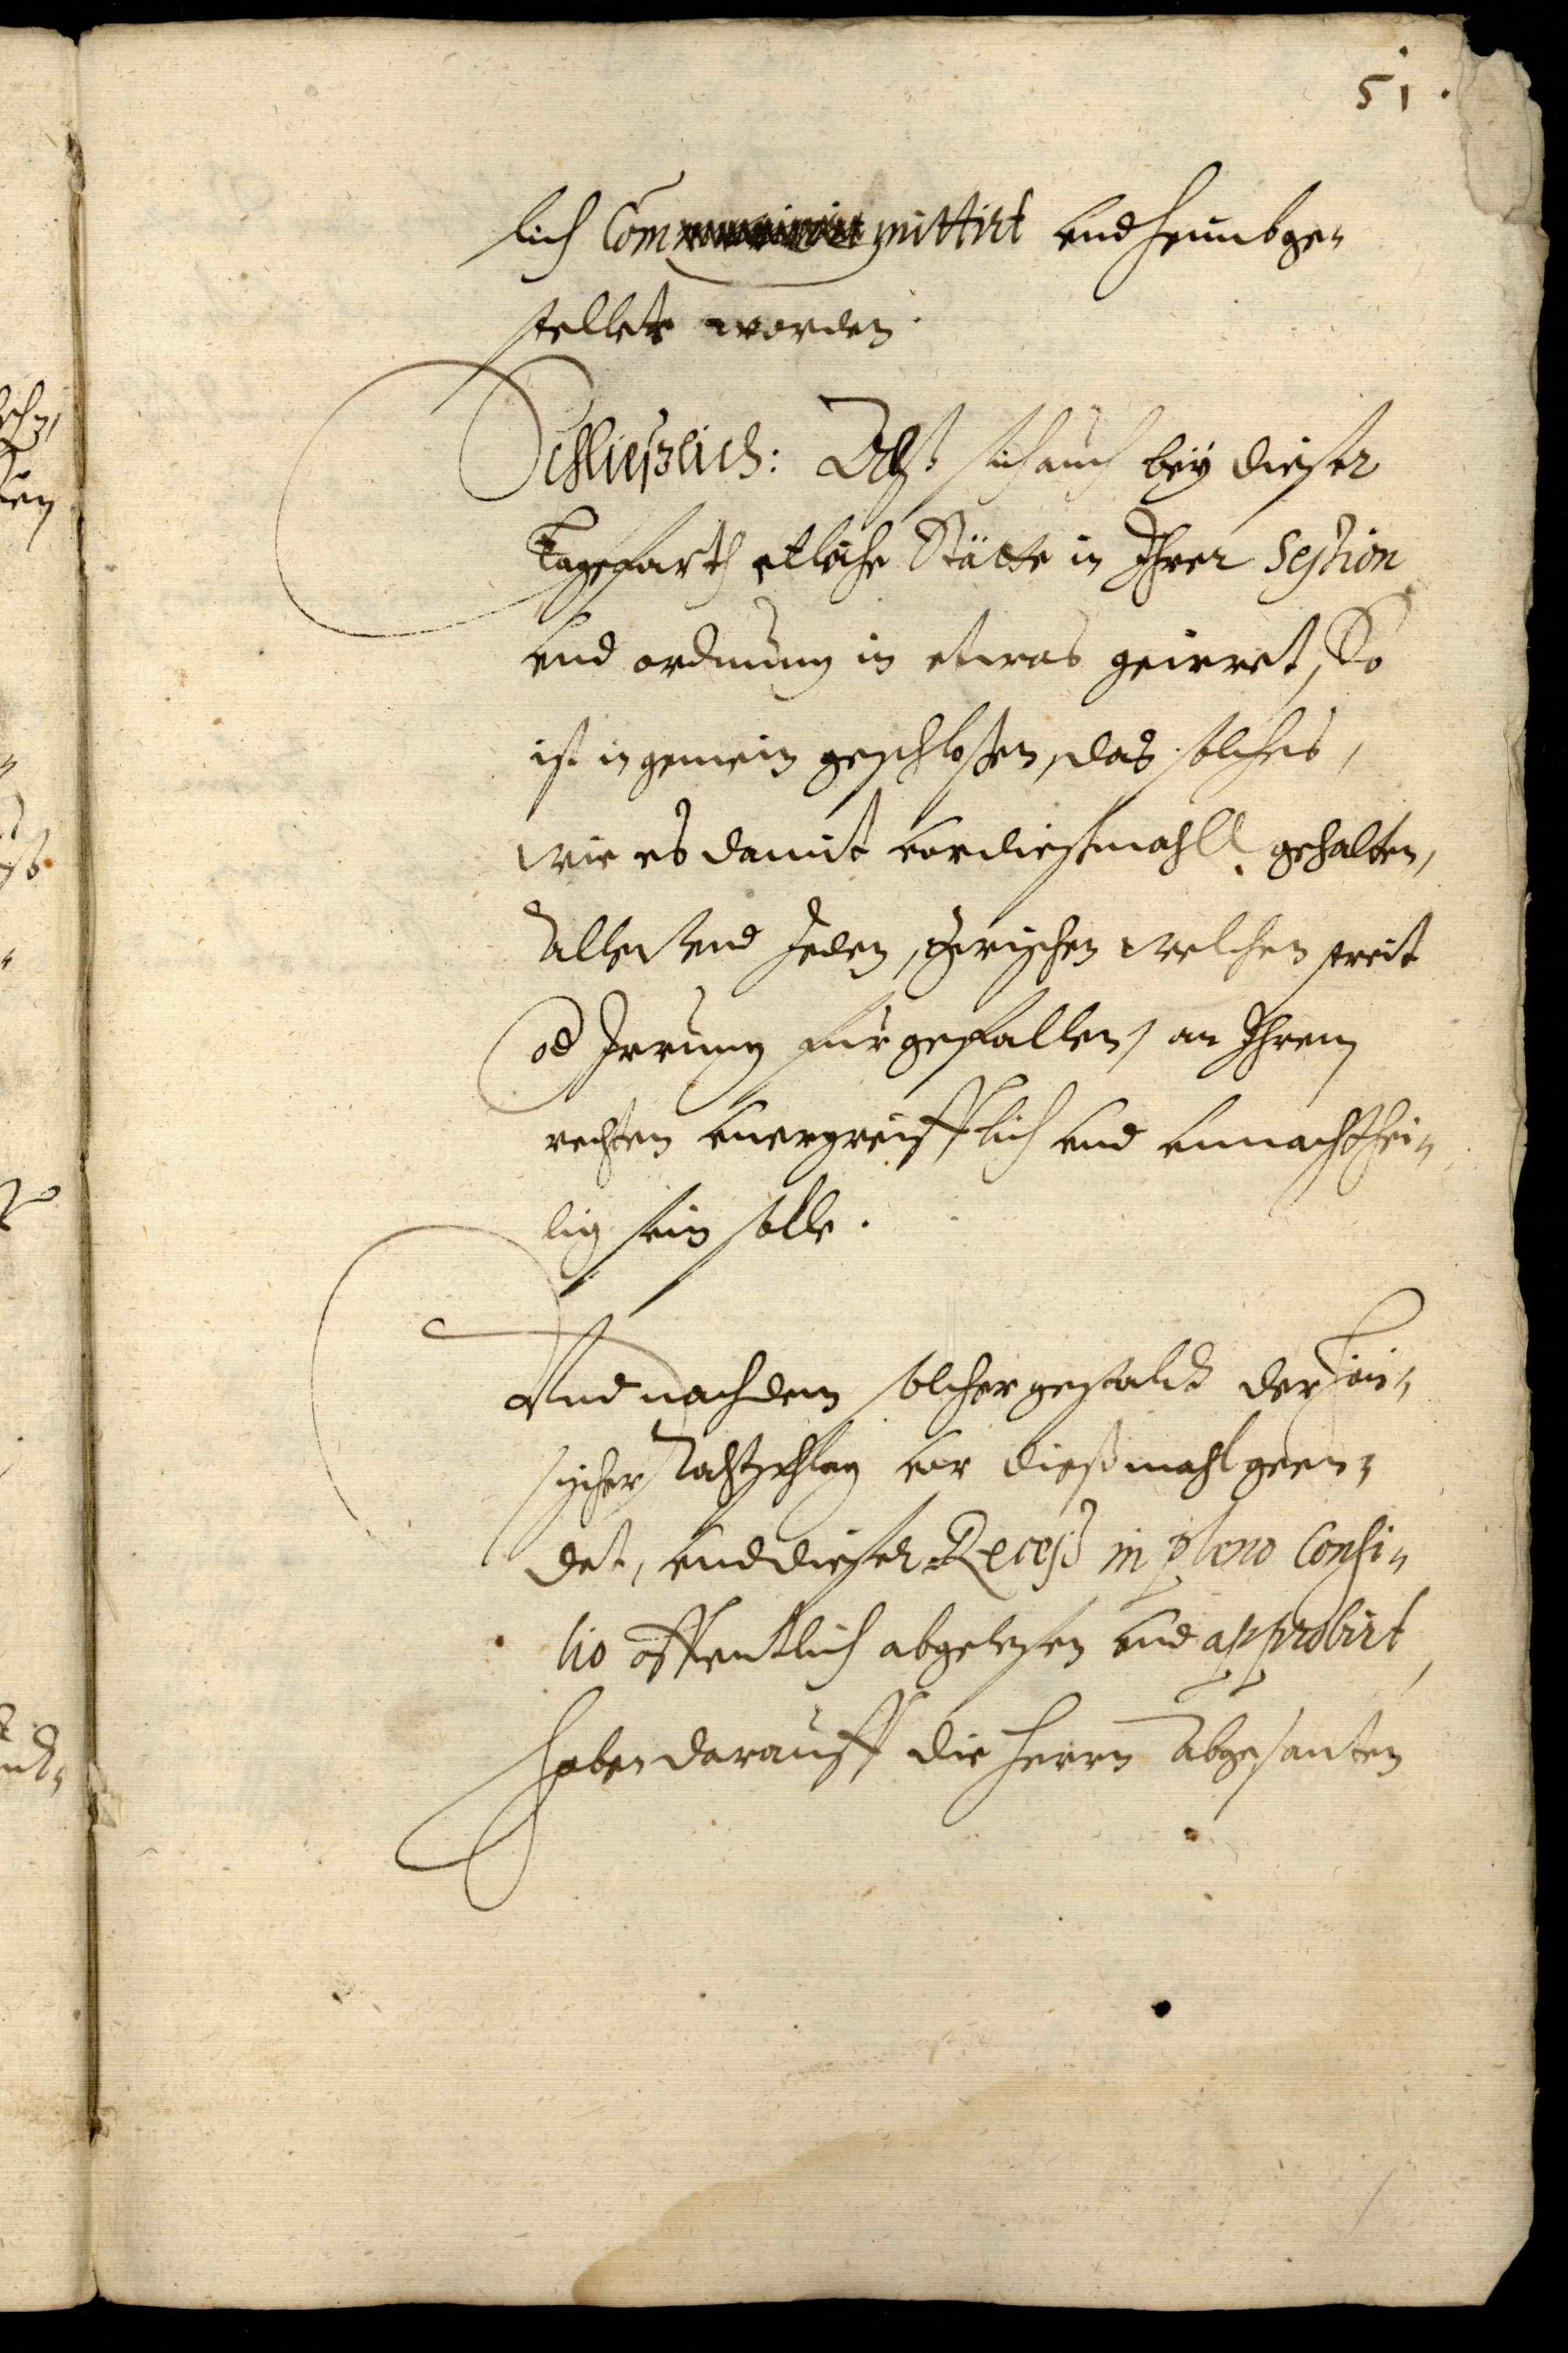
51.
lich Committirt vnd herumbge¬
stellet worden,
Schließlich: Als sich auch beij dieser
Tagefarth etliche Stätte in Ihrer Session
vnd ordnung in etwas geirret, So
ist in gemein geschloßen, das solches,
wie es damit vor dießmahll gehalten,
Alhesend Jeden zwischen welchen streit
oder Irrung furgefallen, an Ihrem
rechten vnergreifflich vnd vnnachthei¬
lig sein solle.
Vnd nachdem solcher gestaldt der han¬
sischen rahtschlag vor dießmahl geen¬
det, vnd dieser Receß in pleno consi¬
lio offentlich abgelesen und approbirt,
haben darauff die herrn Abgesanten
